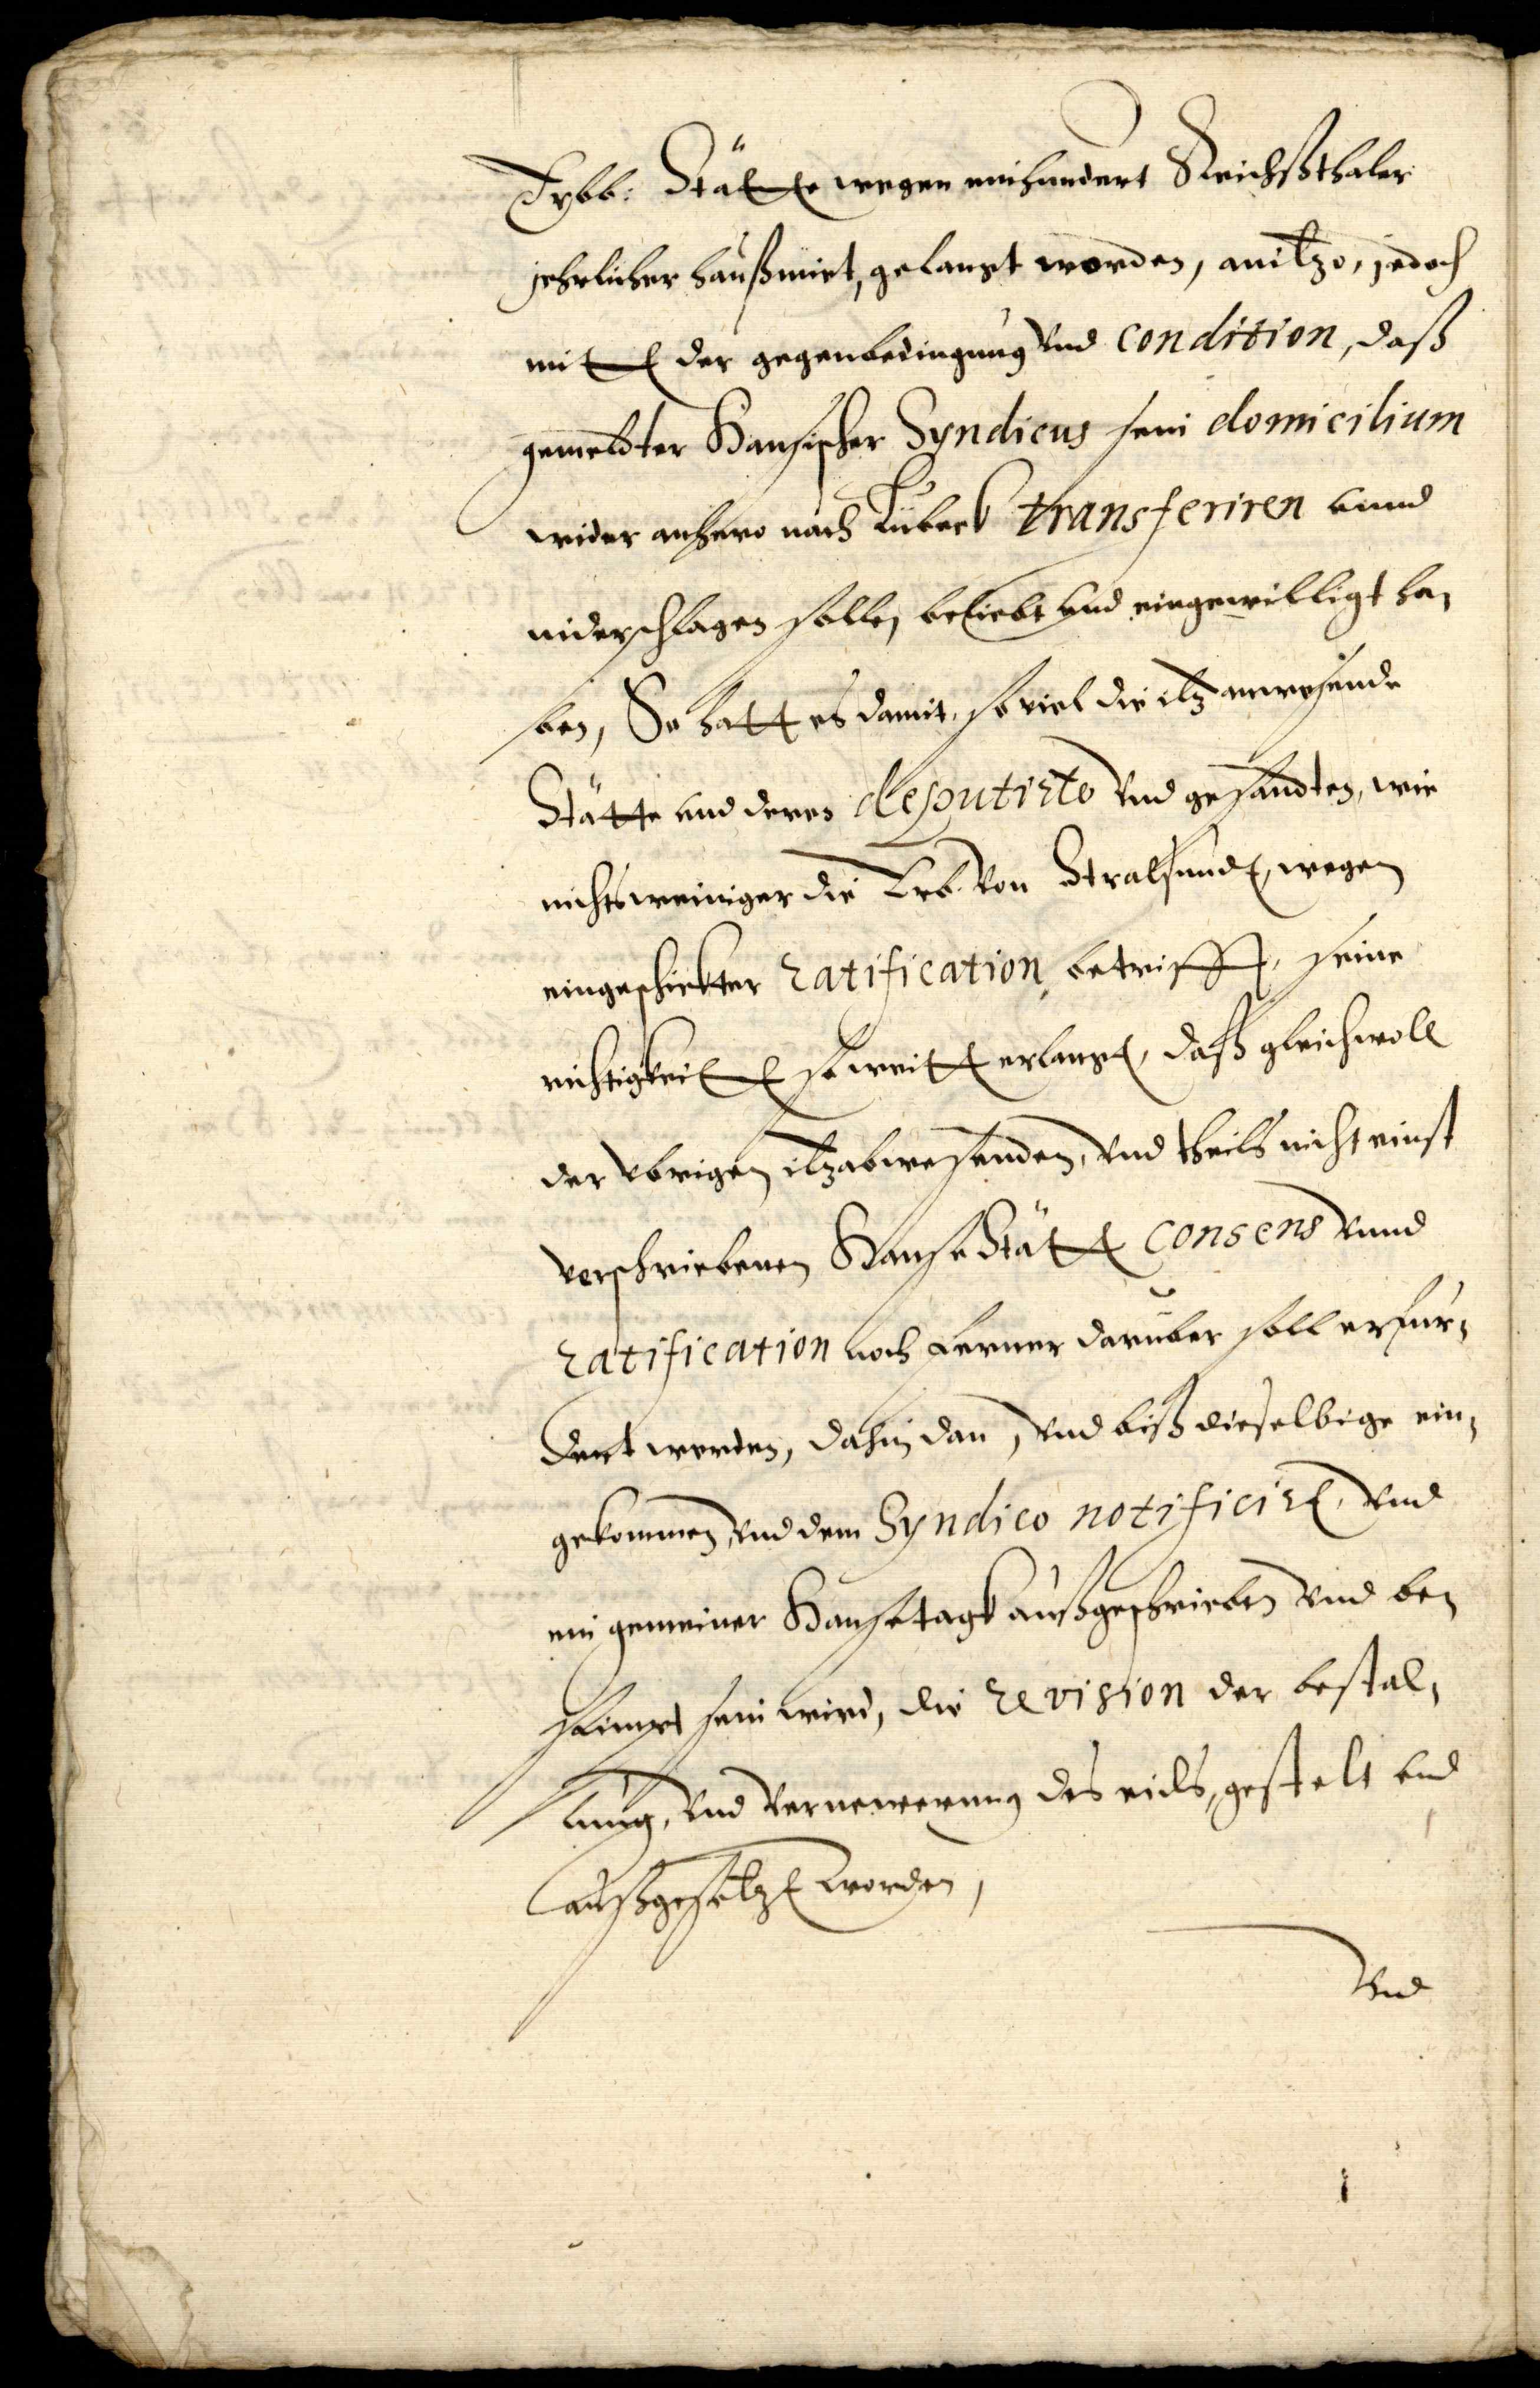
Erbb: Stätte wegen einhundert Reichßthaler
jehrlicher haußwirt, gelangt worden, anitzo, jedoch
mitt der gegenbedingung vnd condition, daß
gemeldter Hansicher Sydicus sein domicilium
wider anhero nach Lübeck transferiren vnnd
niderschlagen sollen beliebt vnd eingewilligt ha¬
ben, So hatt es damit soviel die itz anwesende
Stätte vnd deren deputirte vnd gesandten, wie
nichts weiniger die Erb. von Stralsundt, wegen
eingeschickter ratification betrifft, seine
richtigkeitt soweitt erlangt, daß gleichwoll
der vbrigen itzabwesenden, vnd theils nicht einst
verschriebenen Hanse Stätt consens vnnd
ratification noch ferner daruber soll erfur¬
dert werden, dahin dan, vnd biß dieselbige ein¬
gekommen, vnd dem Syndico notificirt, vnd
ein gemeiner Hansetagk außgeschrieben vnd be¬
stimpt sein wird, die revision der bestal¬
lung, vnd vernewerung des eids, gestelt vnd
außgesetzt worden,
vnd
